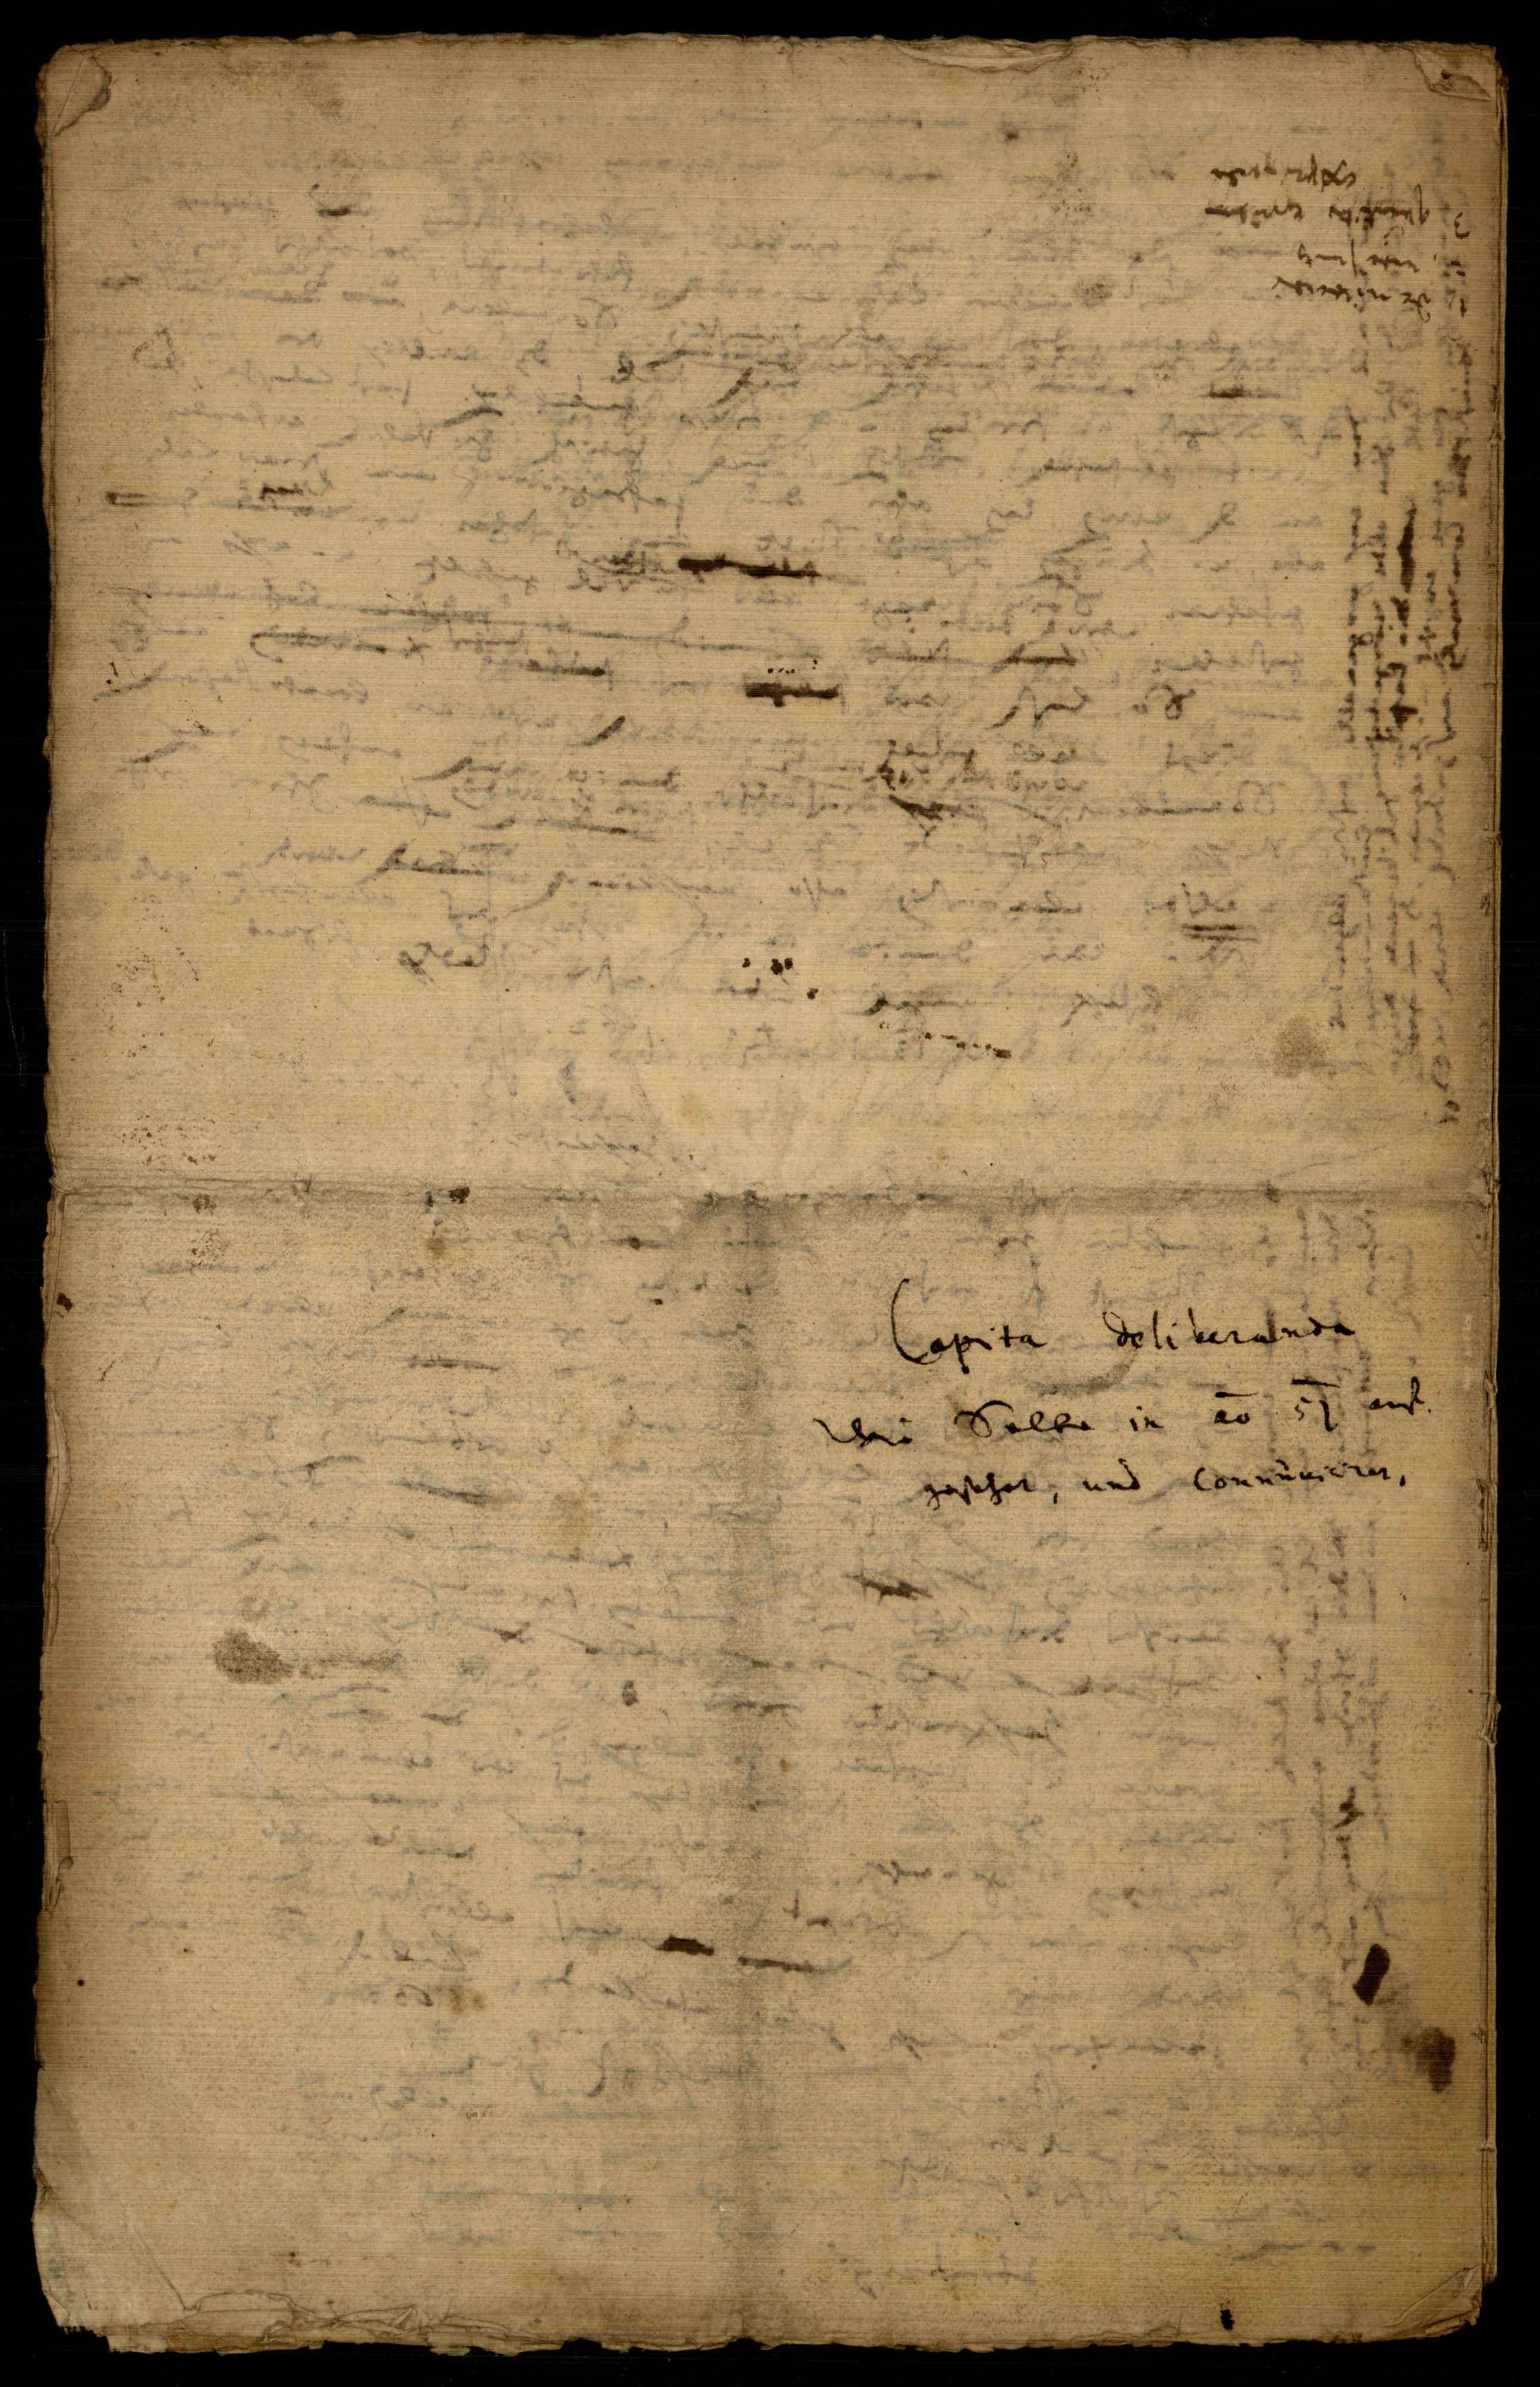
1 de nitreuw
2 untersmit
3 queantiter transki
exprecando
Capita deliberanda
wie Selbe in anno 51 auf
geschehet, vnd communiciret.
